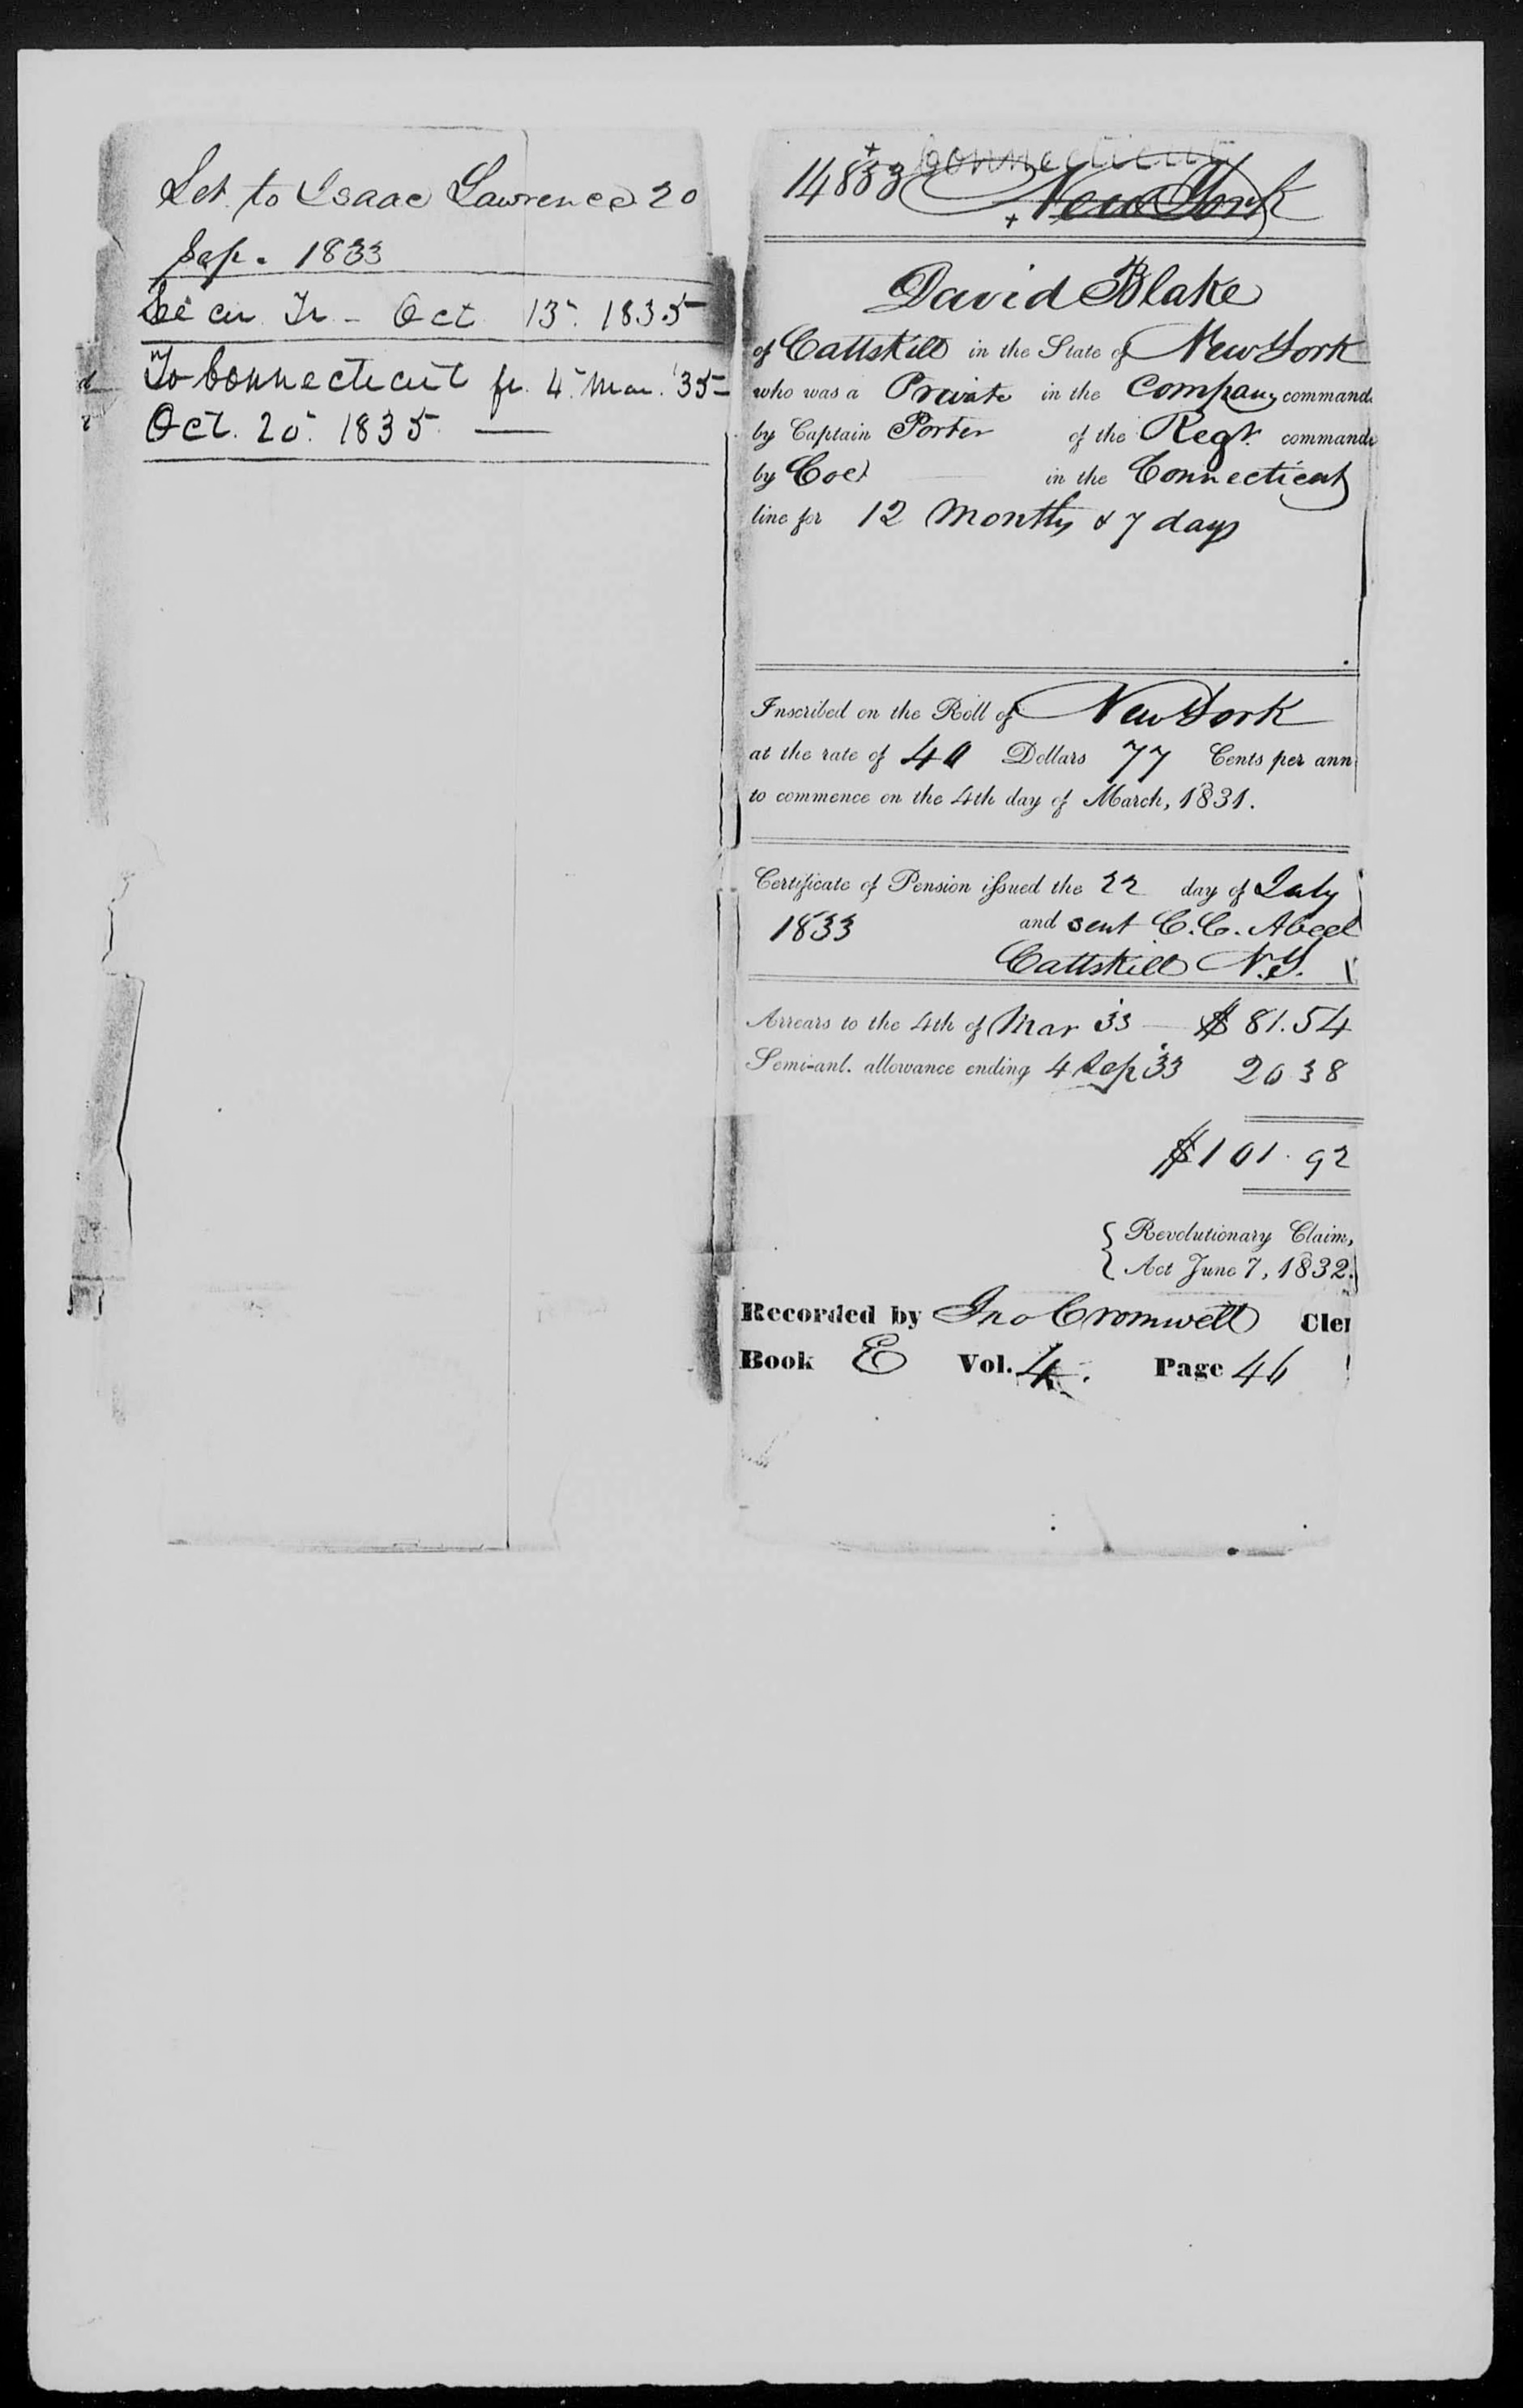Set to Isaac Lawrence 20
Sep. 1833
Sec cu Tr - Oct 13. 1835
To Connecticut fr. 4 Mar. 35
Oct. 20 1835-
14853 Connecticut
New York
David Blake
of Catskill in the State of New York
who was a Private in the Company command
by Captain Porter of the Regs command
by Coel.
of the Regt command
in the Connecticut
line for 12 months & 7 days
Inscribed on the Roll of New York
at the rate of 40 Dollars 77 Cents per ann
to commence on the 4th day of March, 1831.
1833
Certificate of Pension issued the 22 day of July
1833 and sent C.C. Abel
Cattskill N.Y.
Arrears to the 4th of Mar 33 $81.54
Semi-anl. allowance ending 4 Sep 33 20.38
$101.92
Revolutionary Claim,
Act June 7, 1832.
Recorded by Jno Cromwell Clerk
Book E Vol. 4 Page 46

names: C C Abeel, Isaac Lawrence, David Blake, Jno Cromwell, Porter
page: 2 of 21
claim: survivor's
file: S. 23,128, David Blake, Conn.